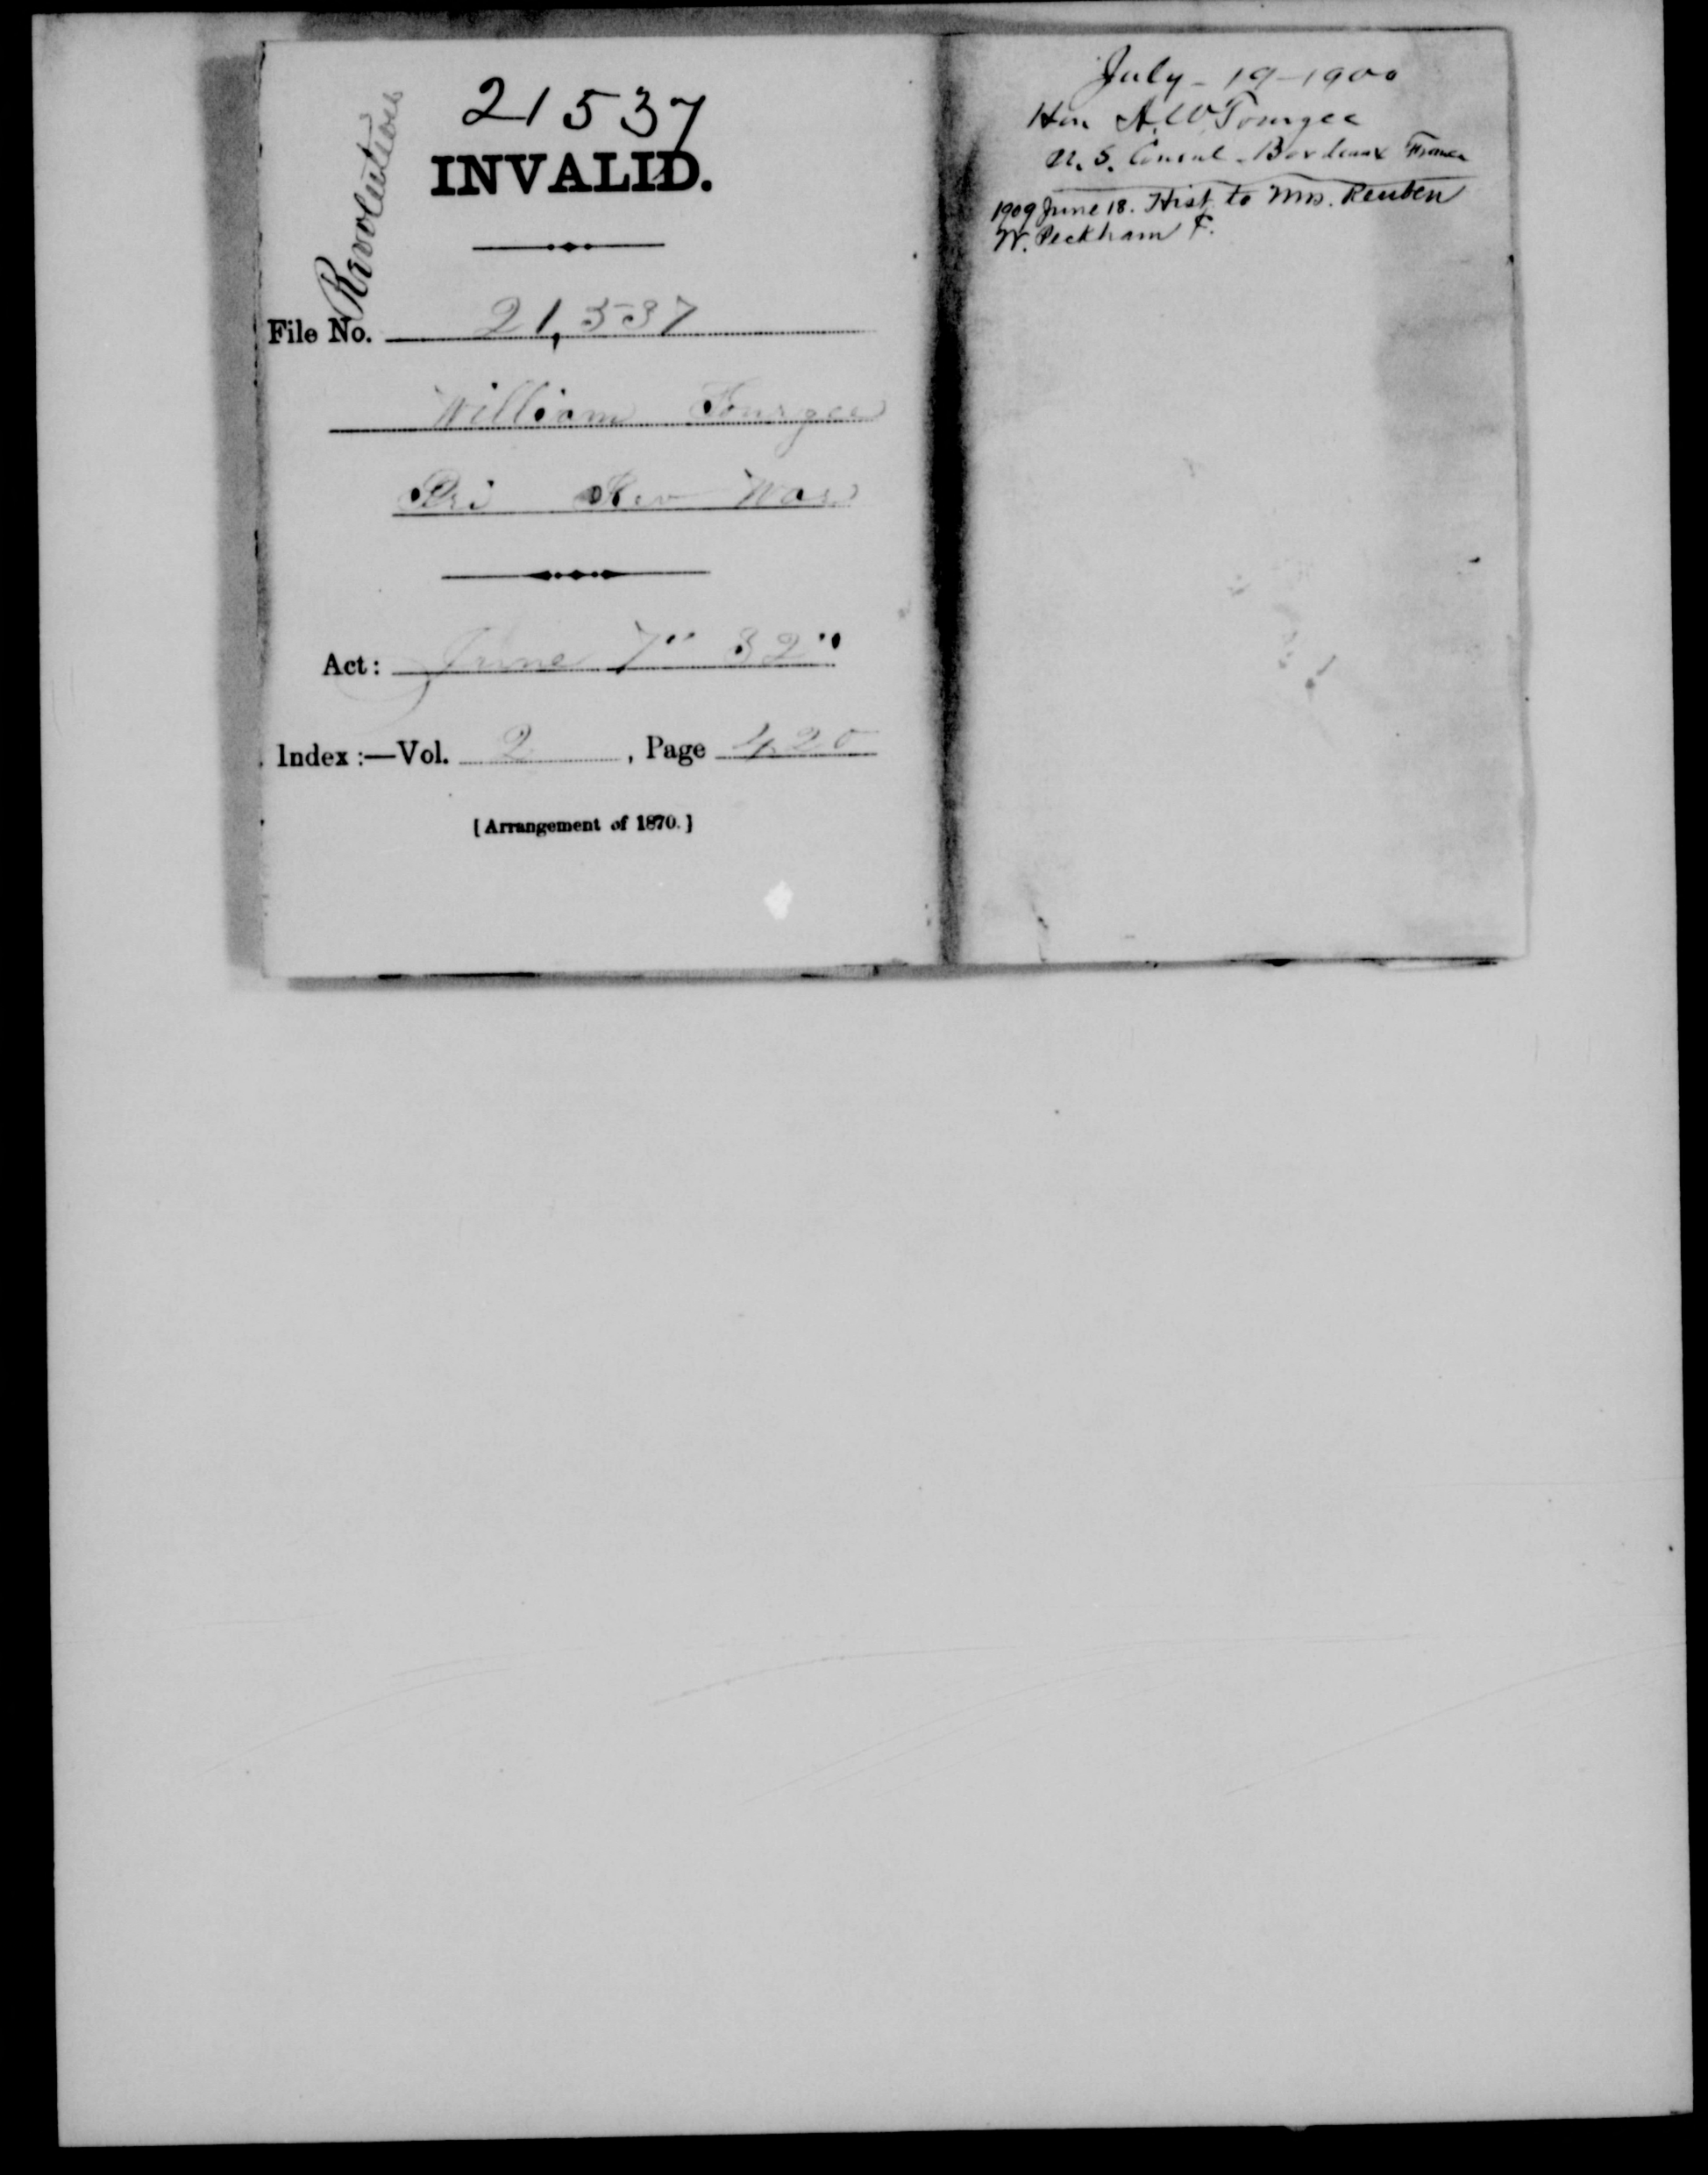Revolution
21537
INVALID
File No. 21537
William Tourgee
Pri Rev War
Act: June 7th 32
Index: Vol. 2, Page 420
(Arrangement of 1870.)

July 19 1900
His A W Tourgee
U.S. Consul Bordeaux France
1909 June 18 Hist to Mrs Reuben W Peckham &c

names: William Tourgee, Reuben W Peckham, A W Tourgee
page: 14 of 21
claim: survivor's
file: S. 21537, William Tourgee, R.I.